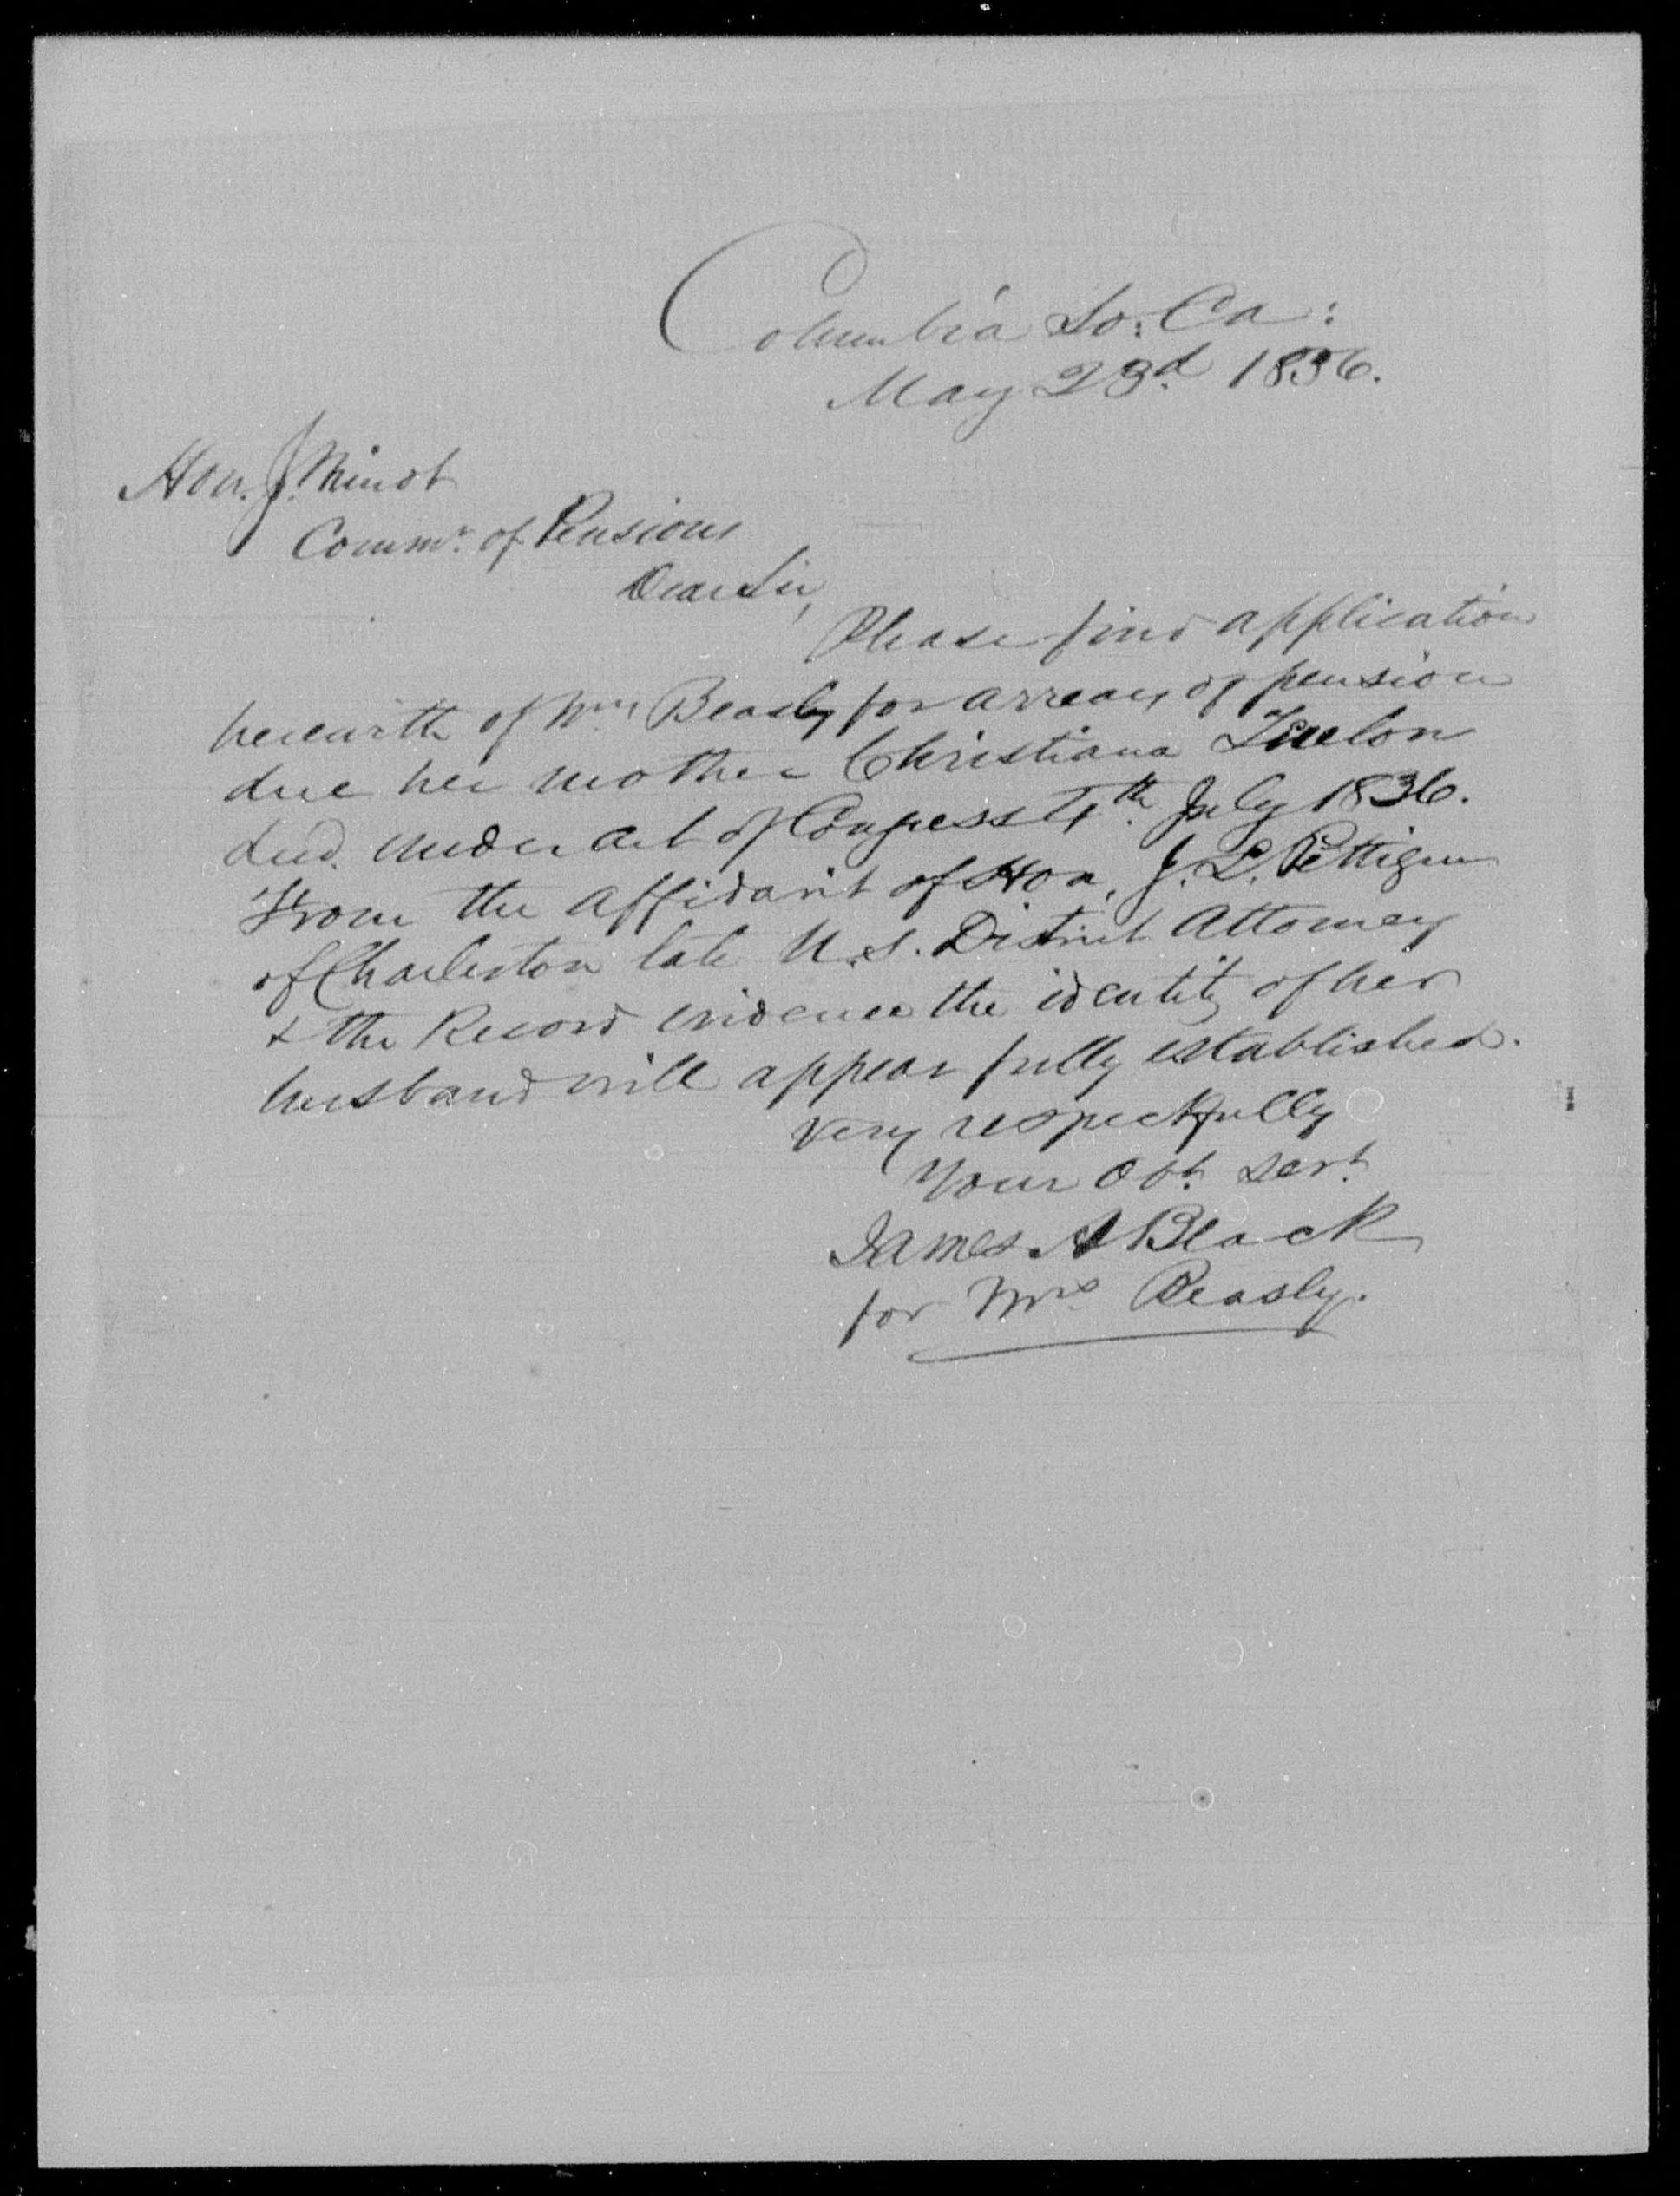Columbia So: Ca: 
May 23d 1856
Hon. J Minot
Comm. of Pensions
Dear Sir, 
Please find application herewith of Mm Beasly for arrears of pension due her mother Christiana Tuelon (sic) died under act of Congress 4th July 1836. From the affidavit of Hon. J.L. Pettigru of Charleston late U.S. District Attorney & the Record evidence the identity of ger husband will appear fully established. 
Very respectfully
Your Off. Sent.
James A Black
for Mrs. Peasly (sic)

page: 17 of 19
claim: rejected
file: R. 10474, for Charles Teulon, South Carolina